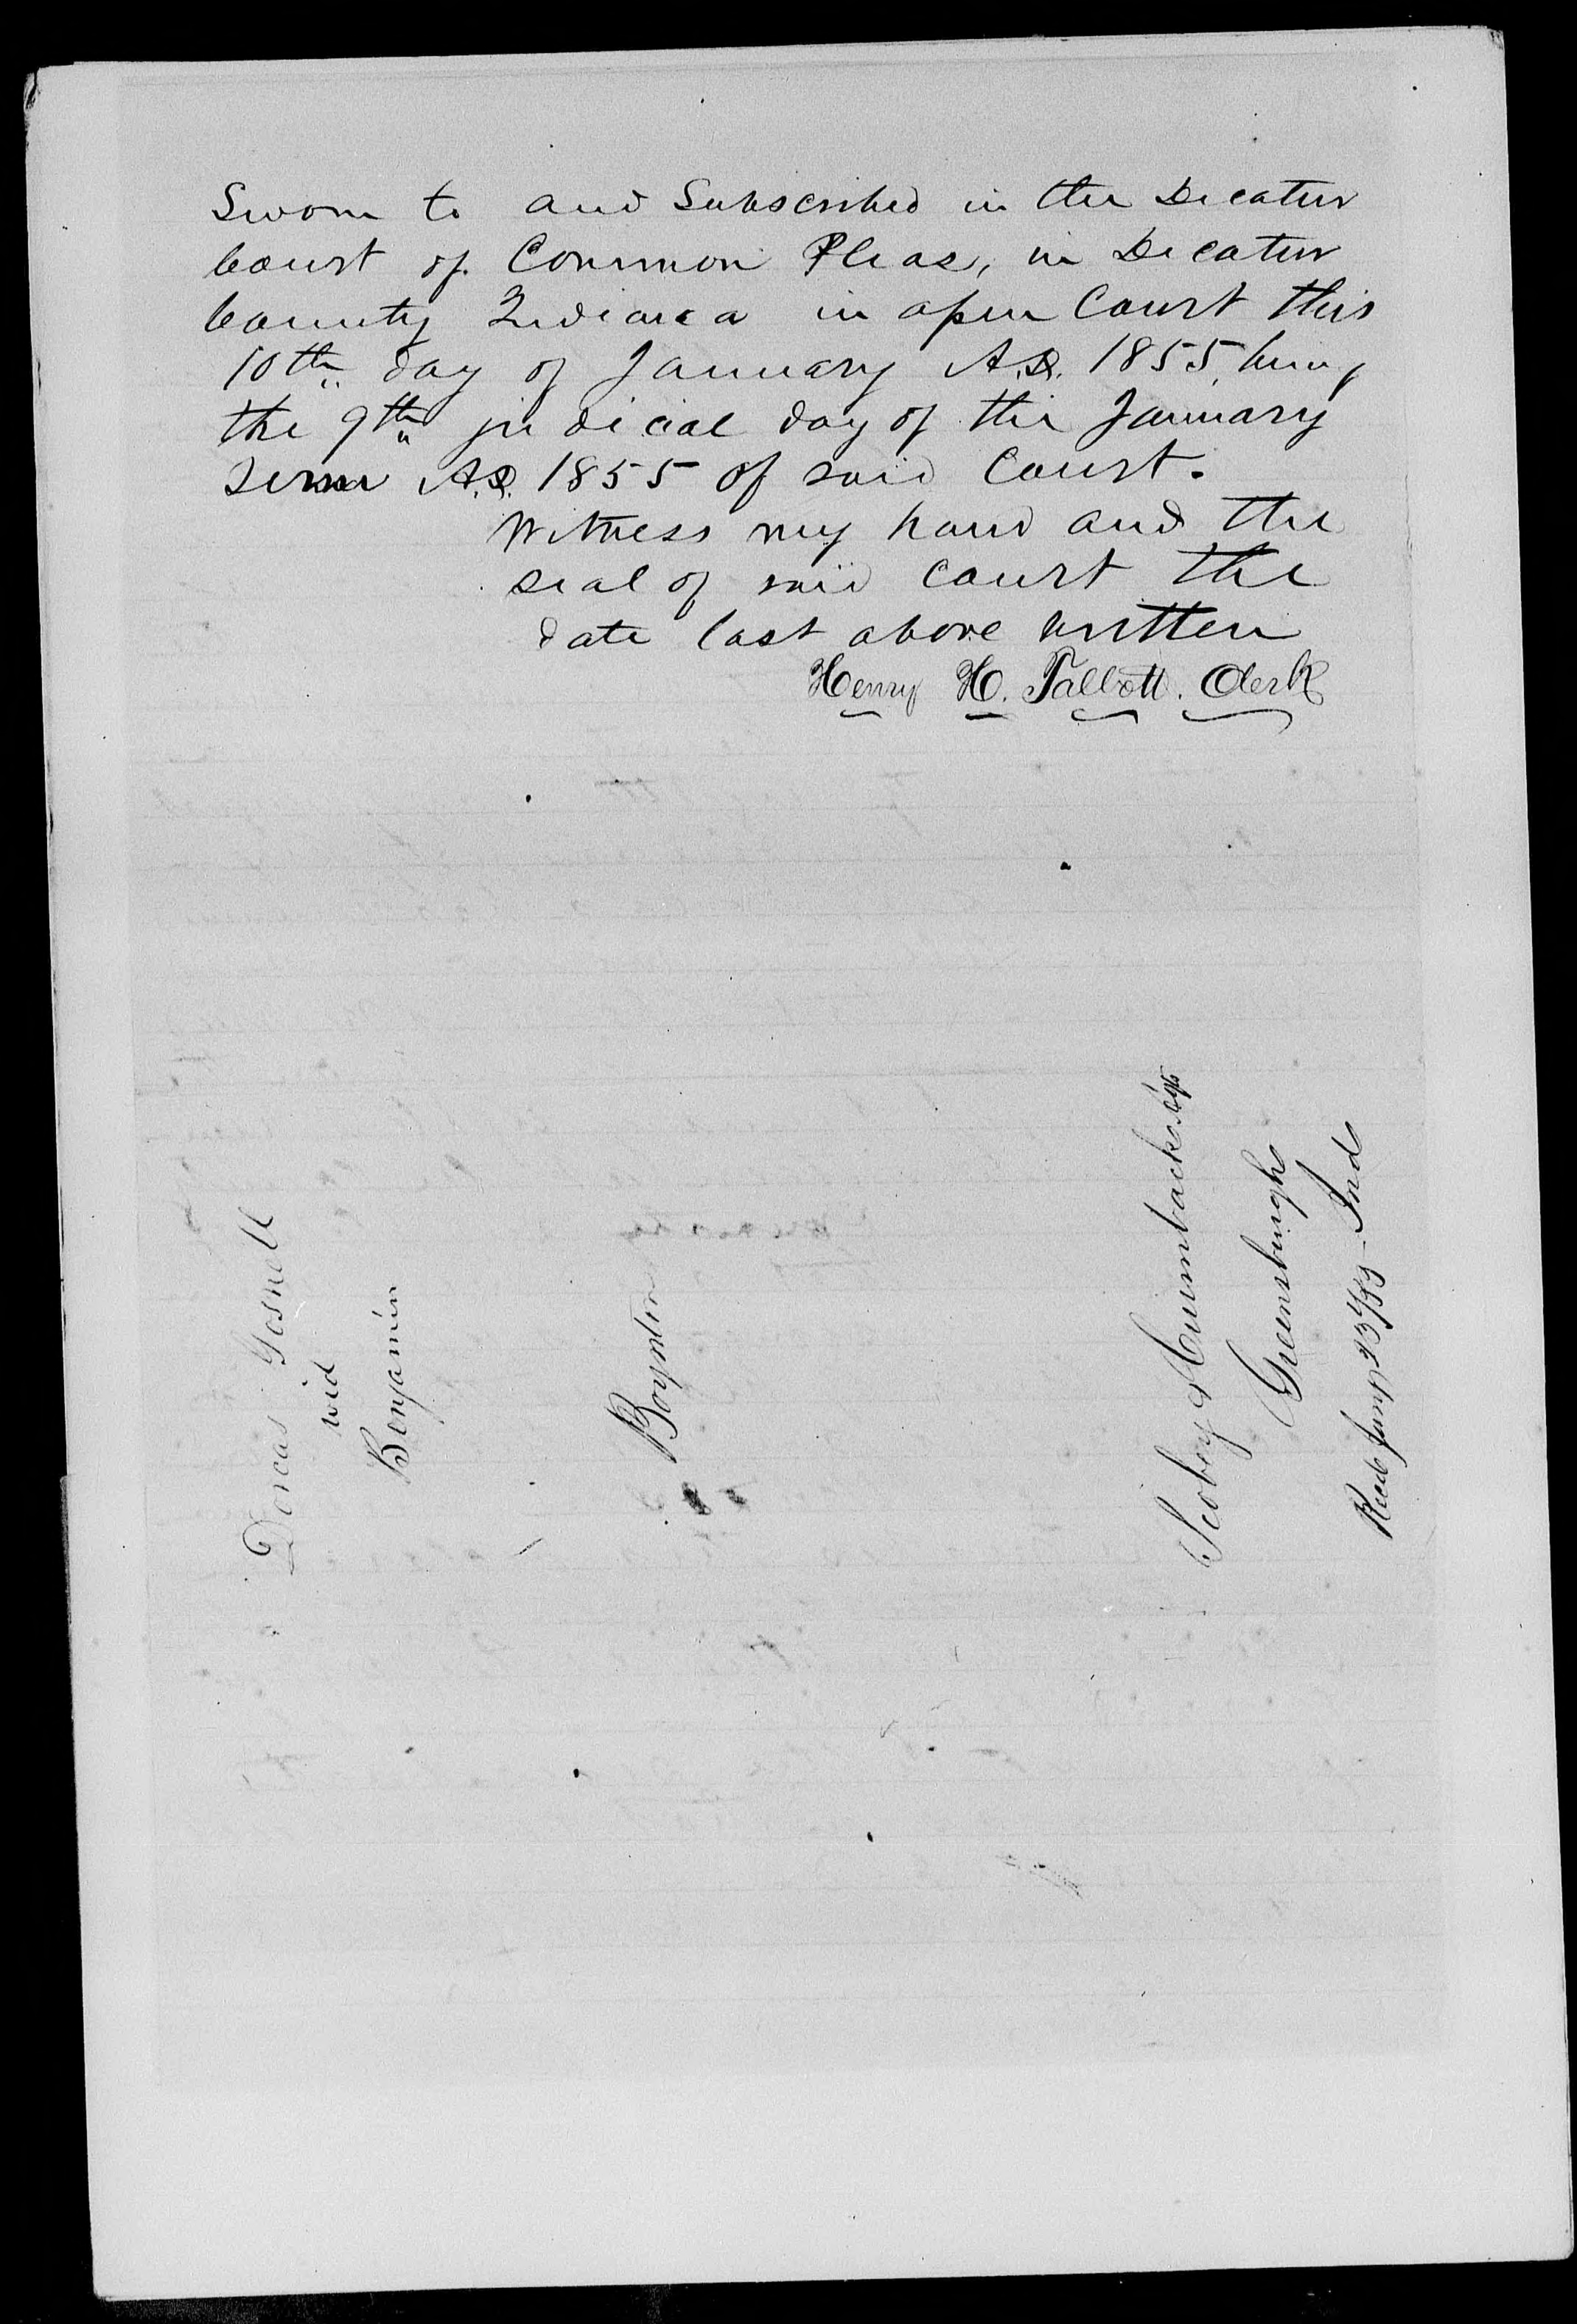[horizontal]
Sworn to and Subscribed in the Decatur Court of Common Pleas; in Decatur County Indiana in open court this 10th day of January A.D. 1855, being the 9th judicial day of this January term A.D. 1855 of said Court.

Witness my hand and the seal of said Court the date last above written

Henry H. Talbott. Clerk [signature]

[vertical]
Dorcas Gosnell
wid
Benjamin

Boynter

Scobey & Crumback,
Greensburgh
Recd [Received] Jany [January] 23'/55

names: Dorcas Gosnell, Crumback, Henry H Talbott, Benjamin Gosnell, Scobey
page: 11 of 39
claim: widow's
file: W. 11060, Benjamin Gosnell, Va.